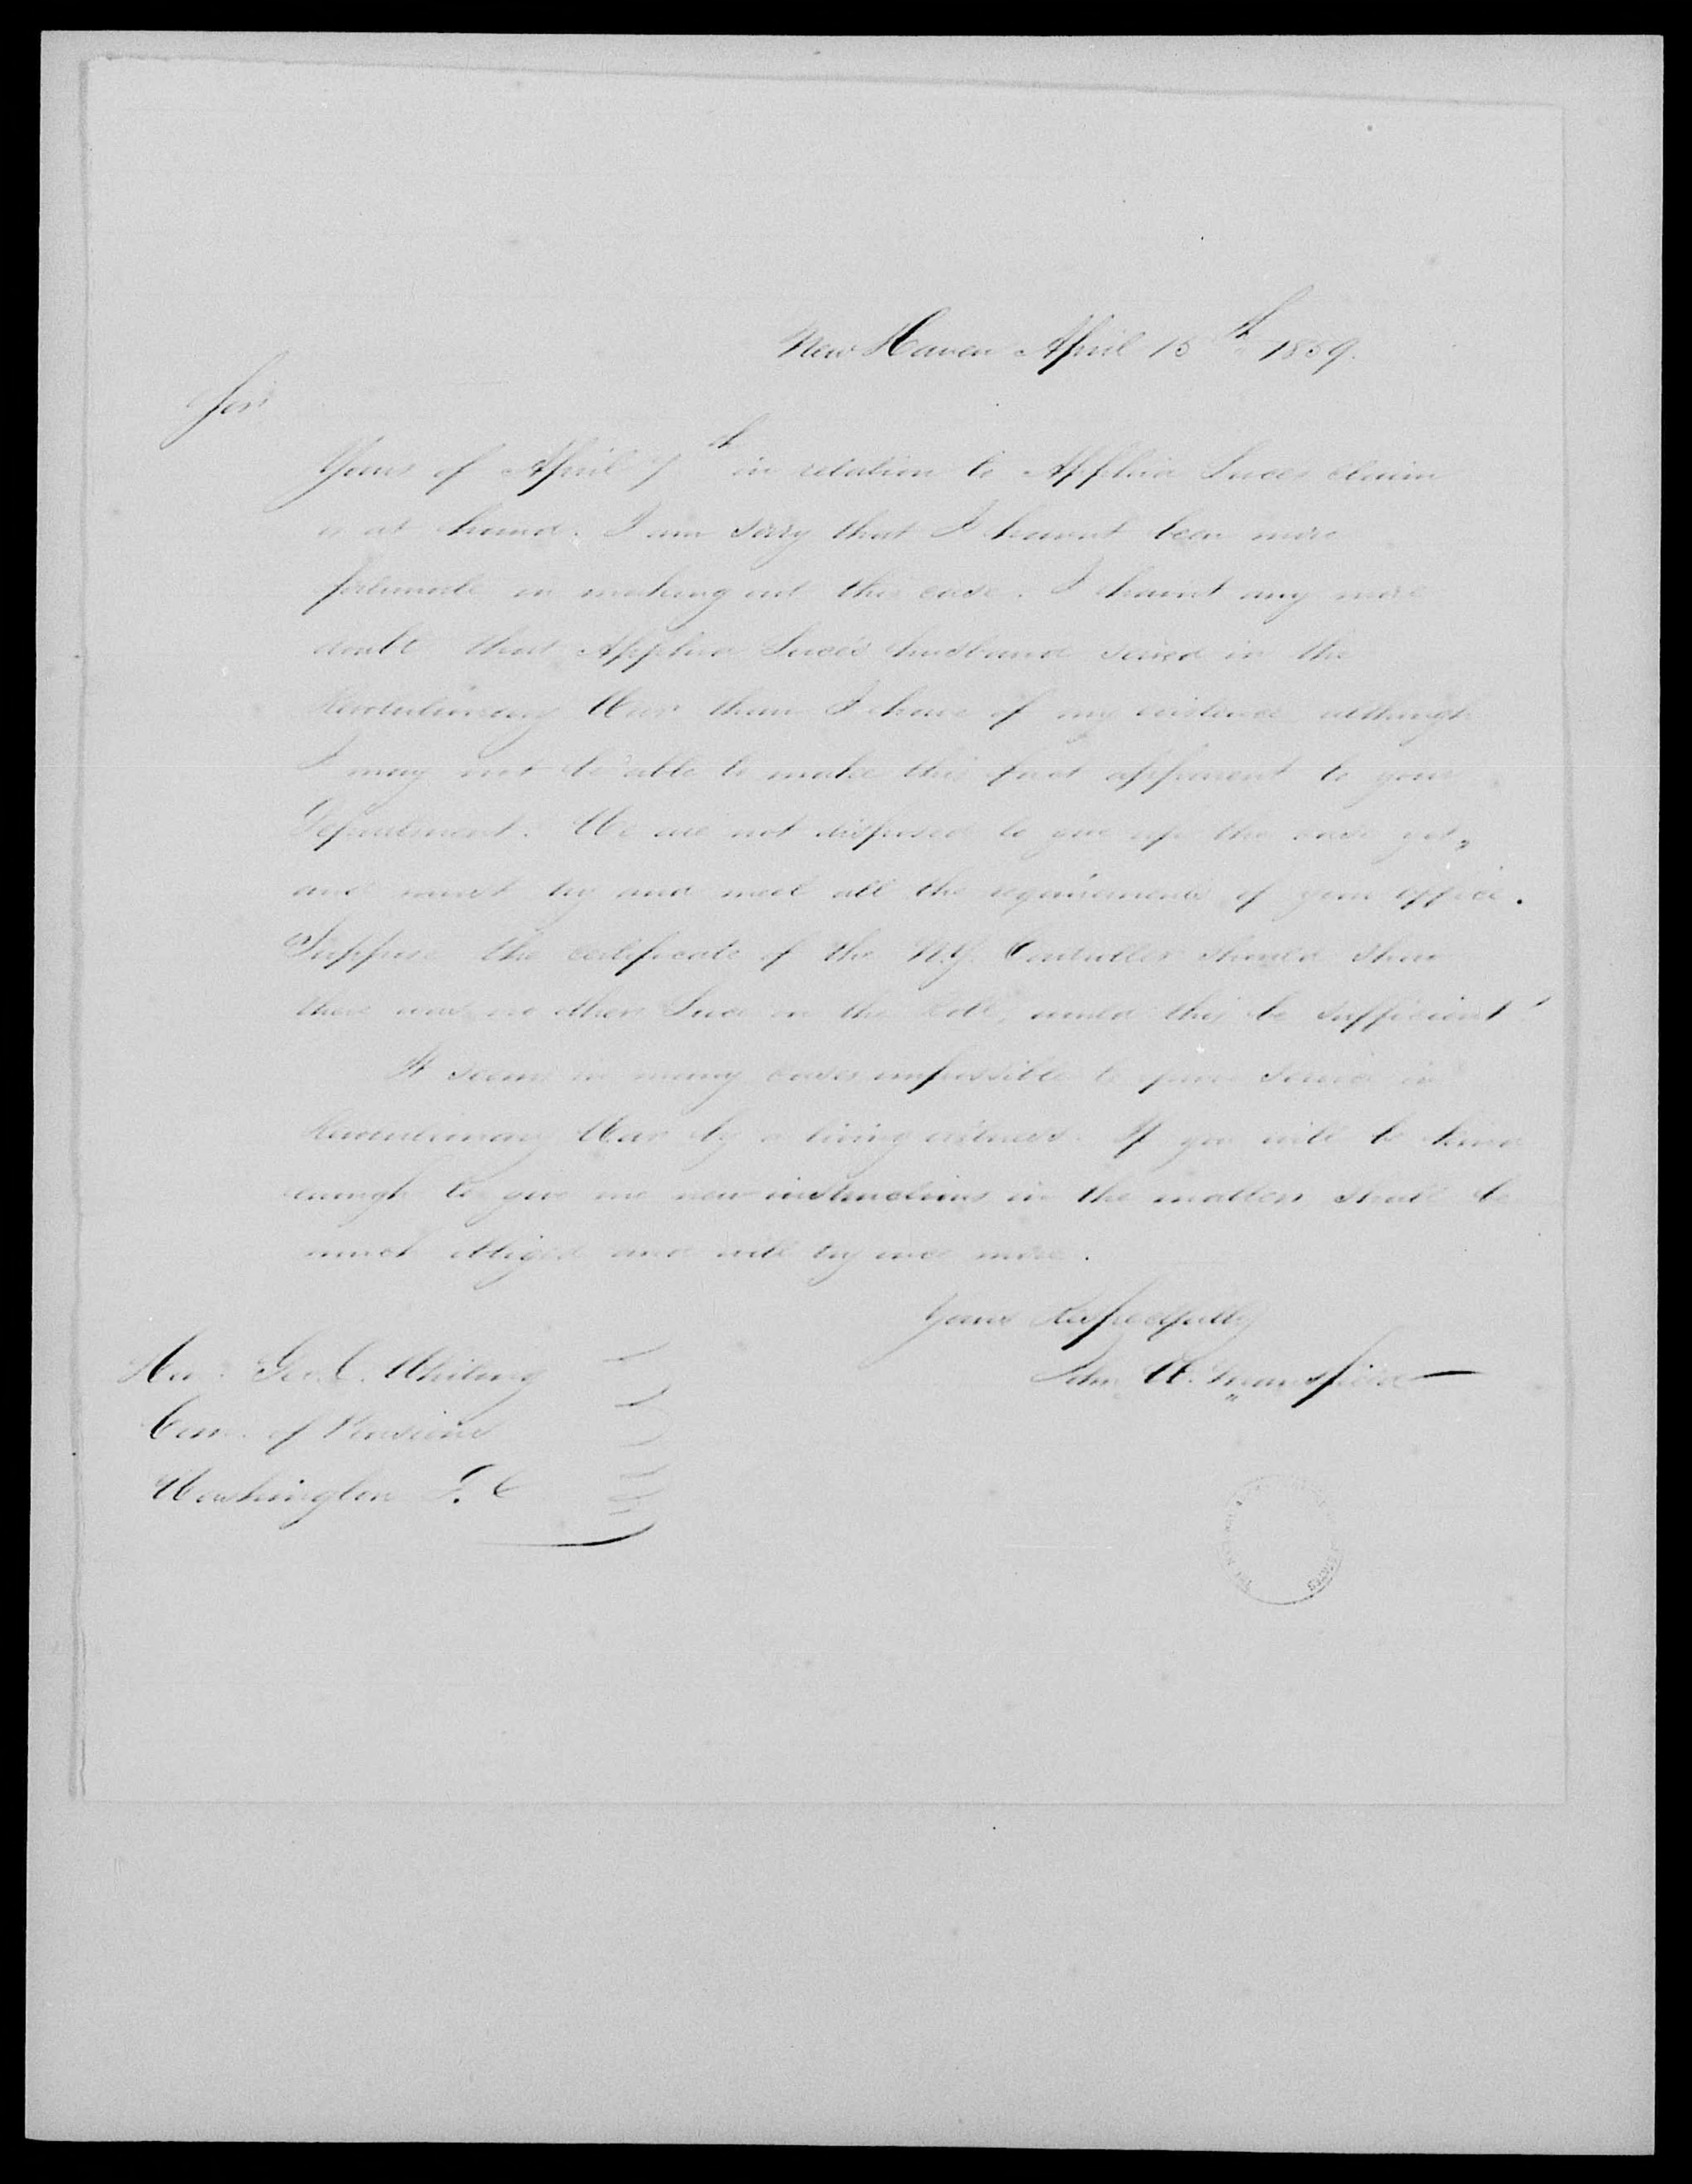New Haven April 15th 1859.

Sir

Yours of April 7th in relation to Apphia Luce's claim is at hand.  I am sorry that I haven't been more fortunate in making out the case.  I haven't any more doubt that Apphia Luce's husband served in the Revolutionary War than I have of my existence although I may not be able to make this fact apparent to your Department.  We are not disposed to give up the case yet, and must try and meet all the requirements of your office.

Suppose the certificate of the N.Y. Controller  [illegible] shows there was no other Luce on the Roll, would that be sufficient?

It seems in many cases impossible to prove service in Revolutionary War by a living witness.  If you will be kind enough to give me new instructions in the matter I will be much obliged and will try once more.

Yours Respectfully
[signed]
John W. Mansfield

Hon. Geo. C. Whiting
Com. of Pensions
Washington D. C.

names: Geo C Whiting; John W Mansfield; Apphia Luce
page: 35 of 70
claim: rejected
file: R. 6510, for Israel Luce, New York